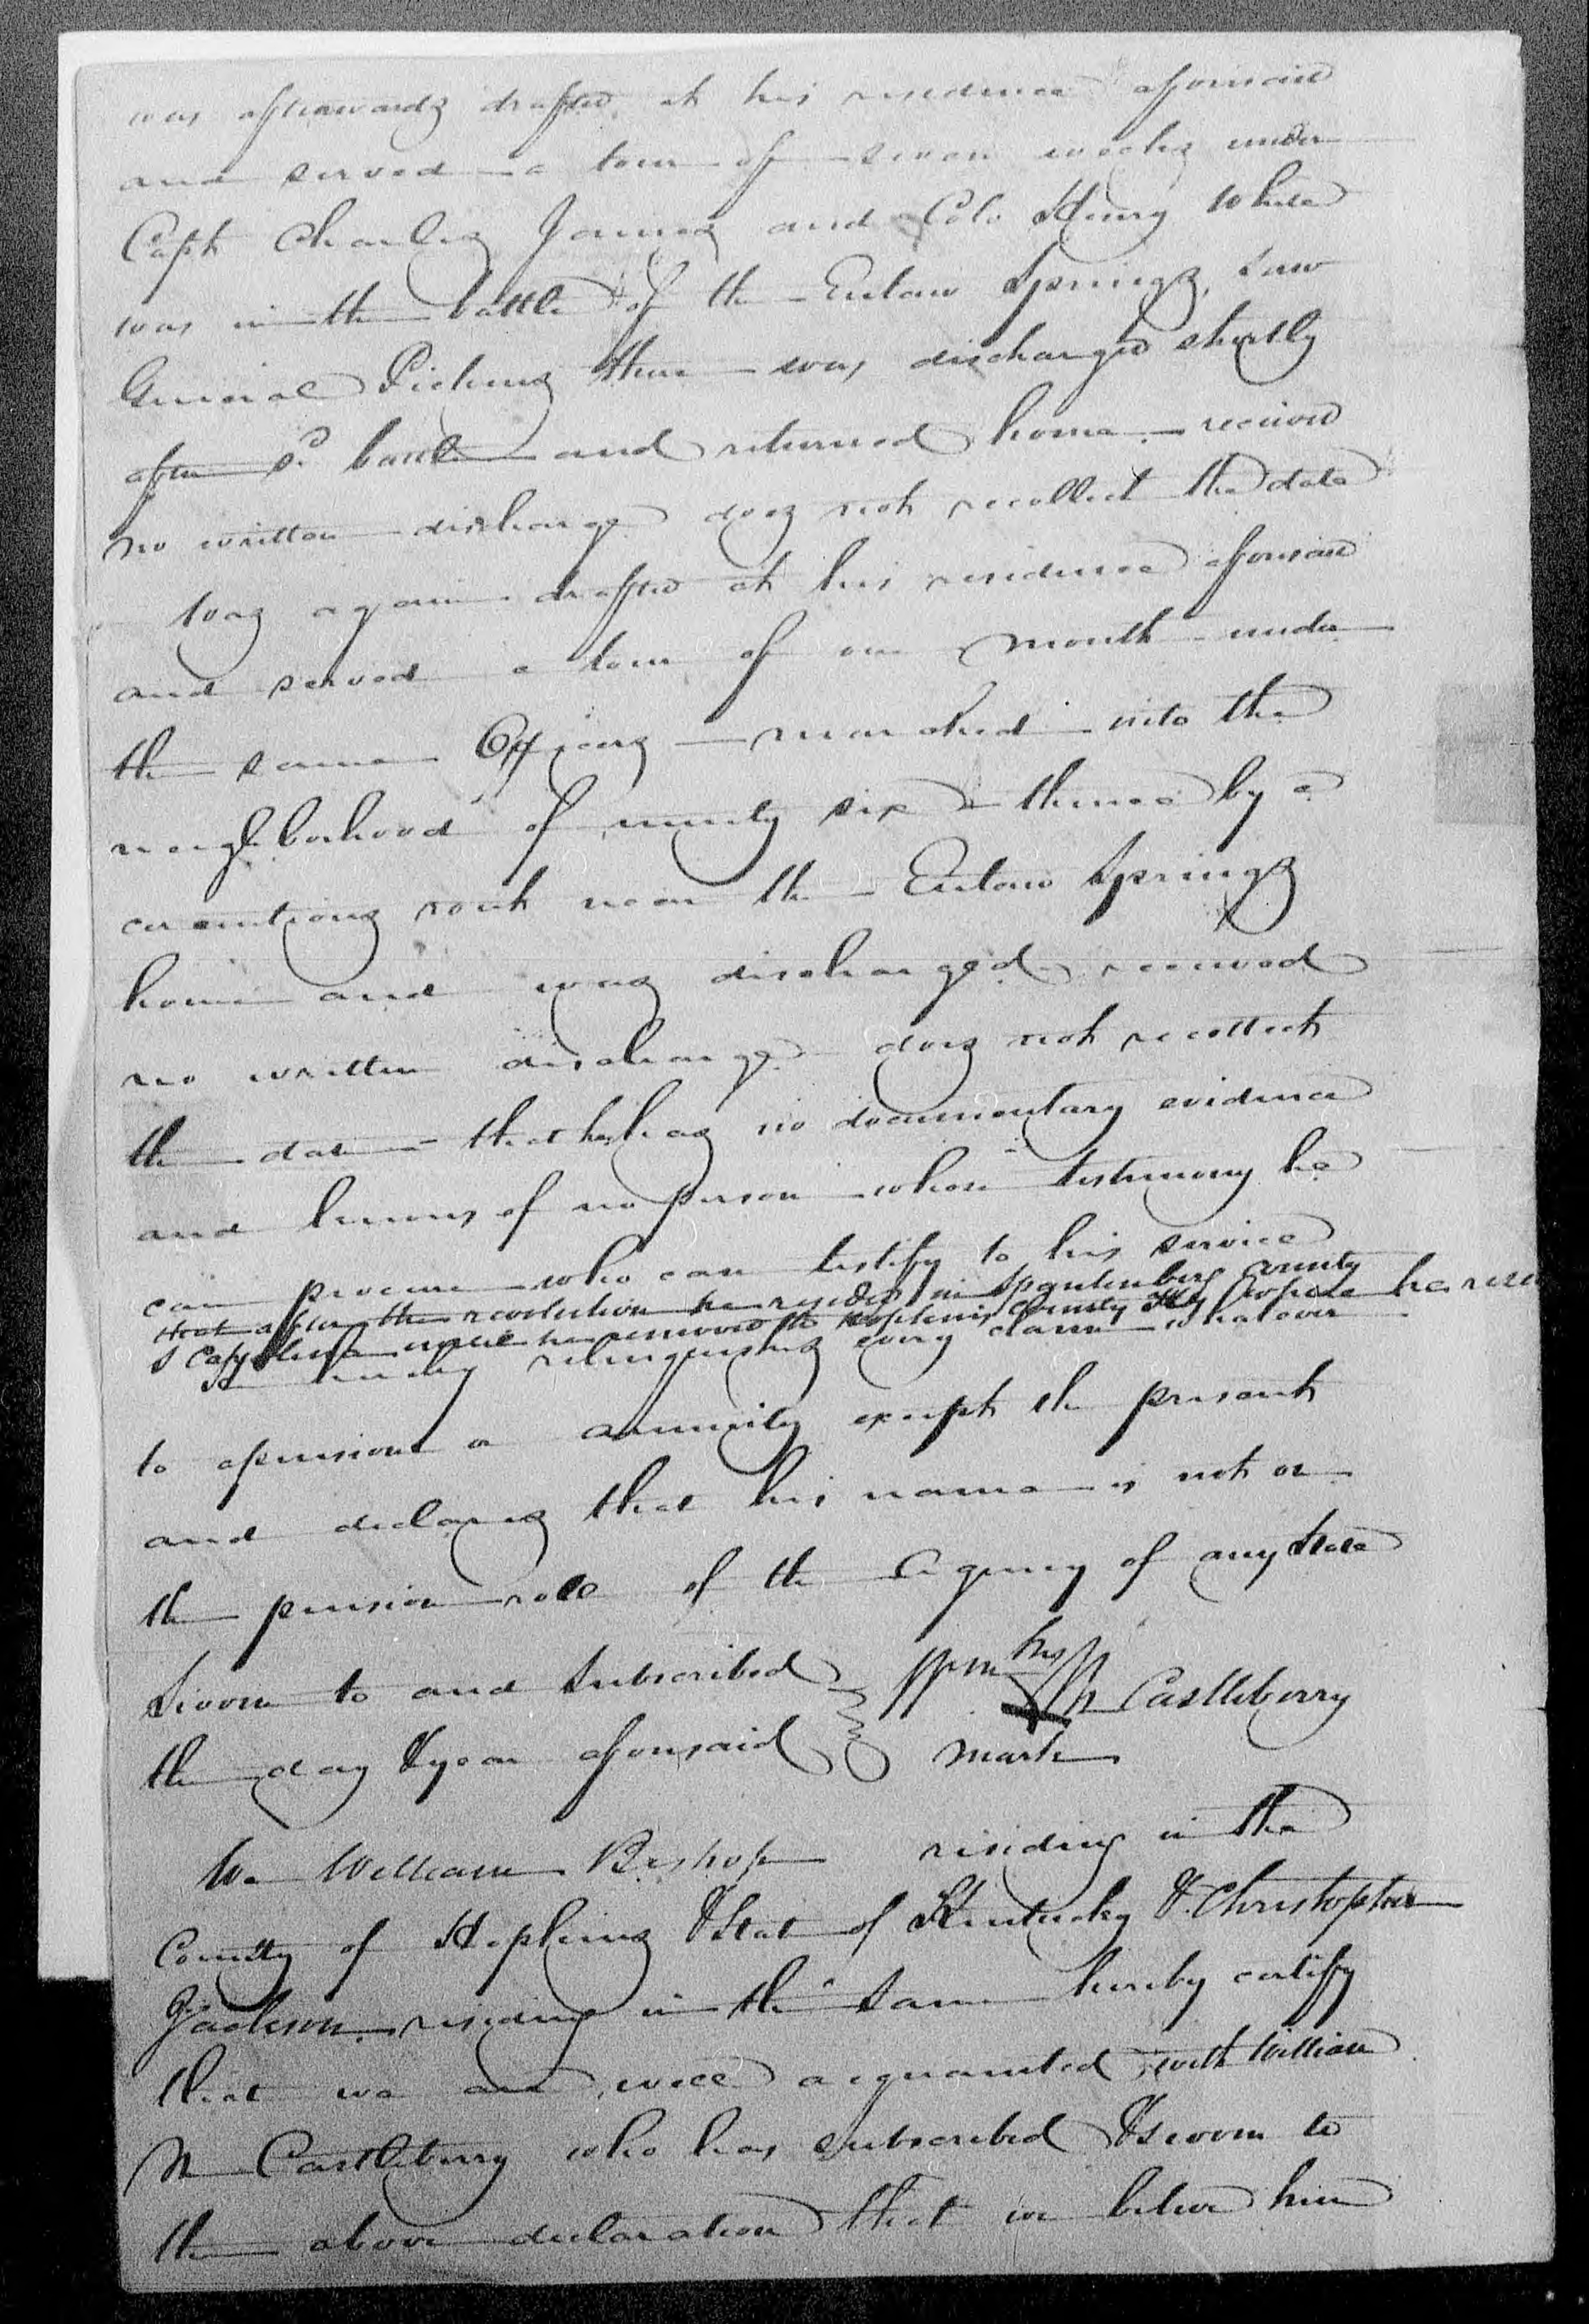was afterwards drafted at his residence aforesaid and served a tour of seven weeks under Capt Charles Jones and Colo Henry White was in the battle of the Eutaw Springs saw General Pickens there - was discharged shortly after sd battle and returned home -received no written discharge does not recollect the date was again drafted at his residence aforesaid and served a term of one month under the same Officers - marched into the neighborhood of ninety six thence by a
evacuations rout near the Eutaw Springs house and was discharged, received no written discharge does not recollect the date - that he has no documentary evidence and knows of no person whose testimony he can procure who can testify to his service - he has no further recollection has resided near Spartanburg County S. Carolina until he removed to 
to Hopkins County Ky where he resides
He hereby relinquishes every claim whatever to a pension or annuity except the present and declares that his name is not on the pension roll of the agency of any State
Sworn to and subscribed
the day & year aforesaid
Wm Castleberry
[X and the words "his mark" appear between first and last names]
We William Bishop residing in the County of Hopkins & State of Kentucky & Christopher
Jackson residing in the same hereby certify
that we are well acquainted with William M. Castleberry who has subscribed & sworn to
the above declaration that we believe him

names: Henry White, Wm M Castleberry, Christopher Jackson, Charles James, William Bishop, William M Castleberry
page: 5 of 20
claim: survivor's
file: S. 16,337, William M Castleberry, Ga.